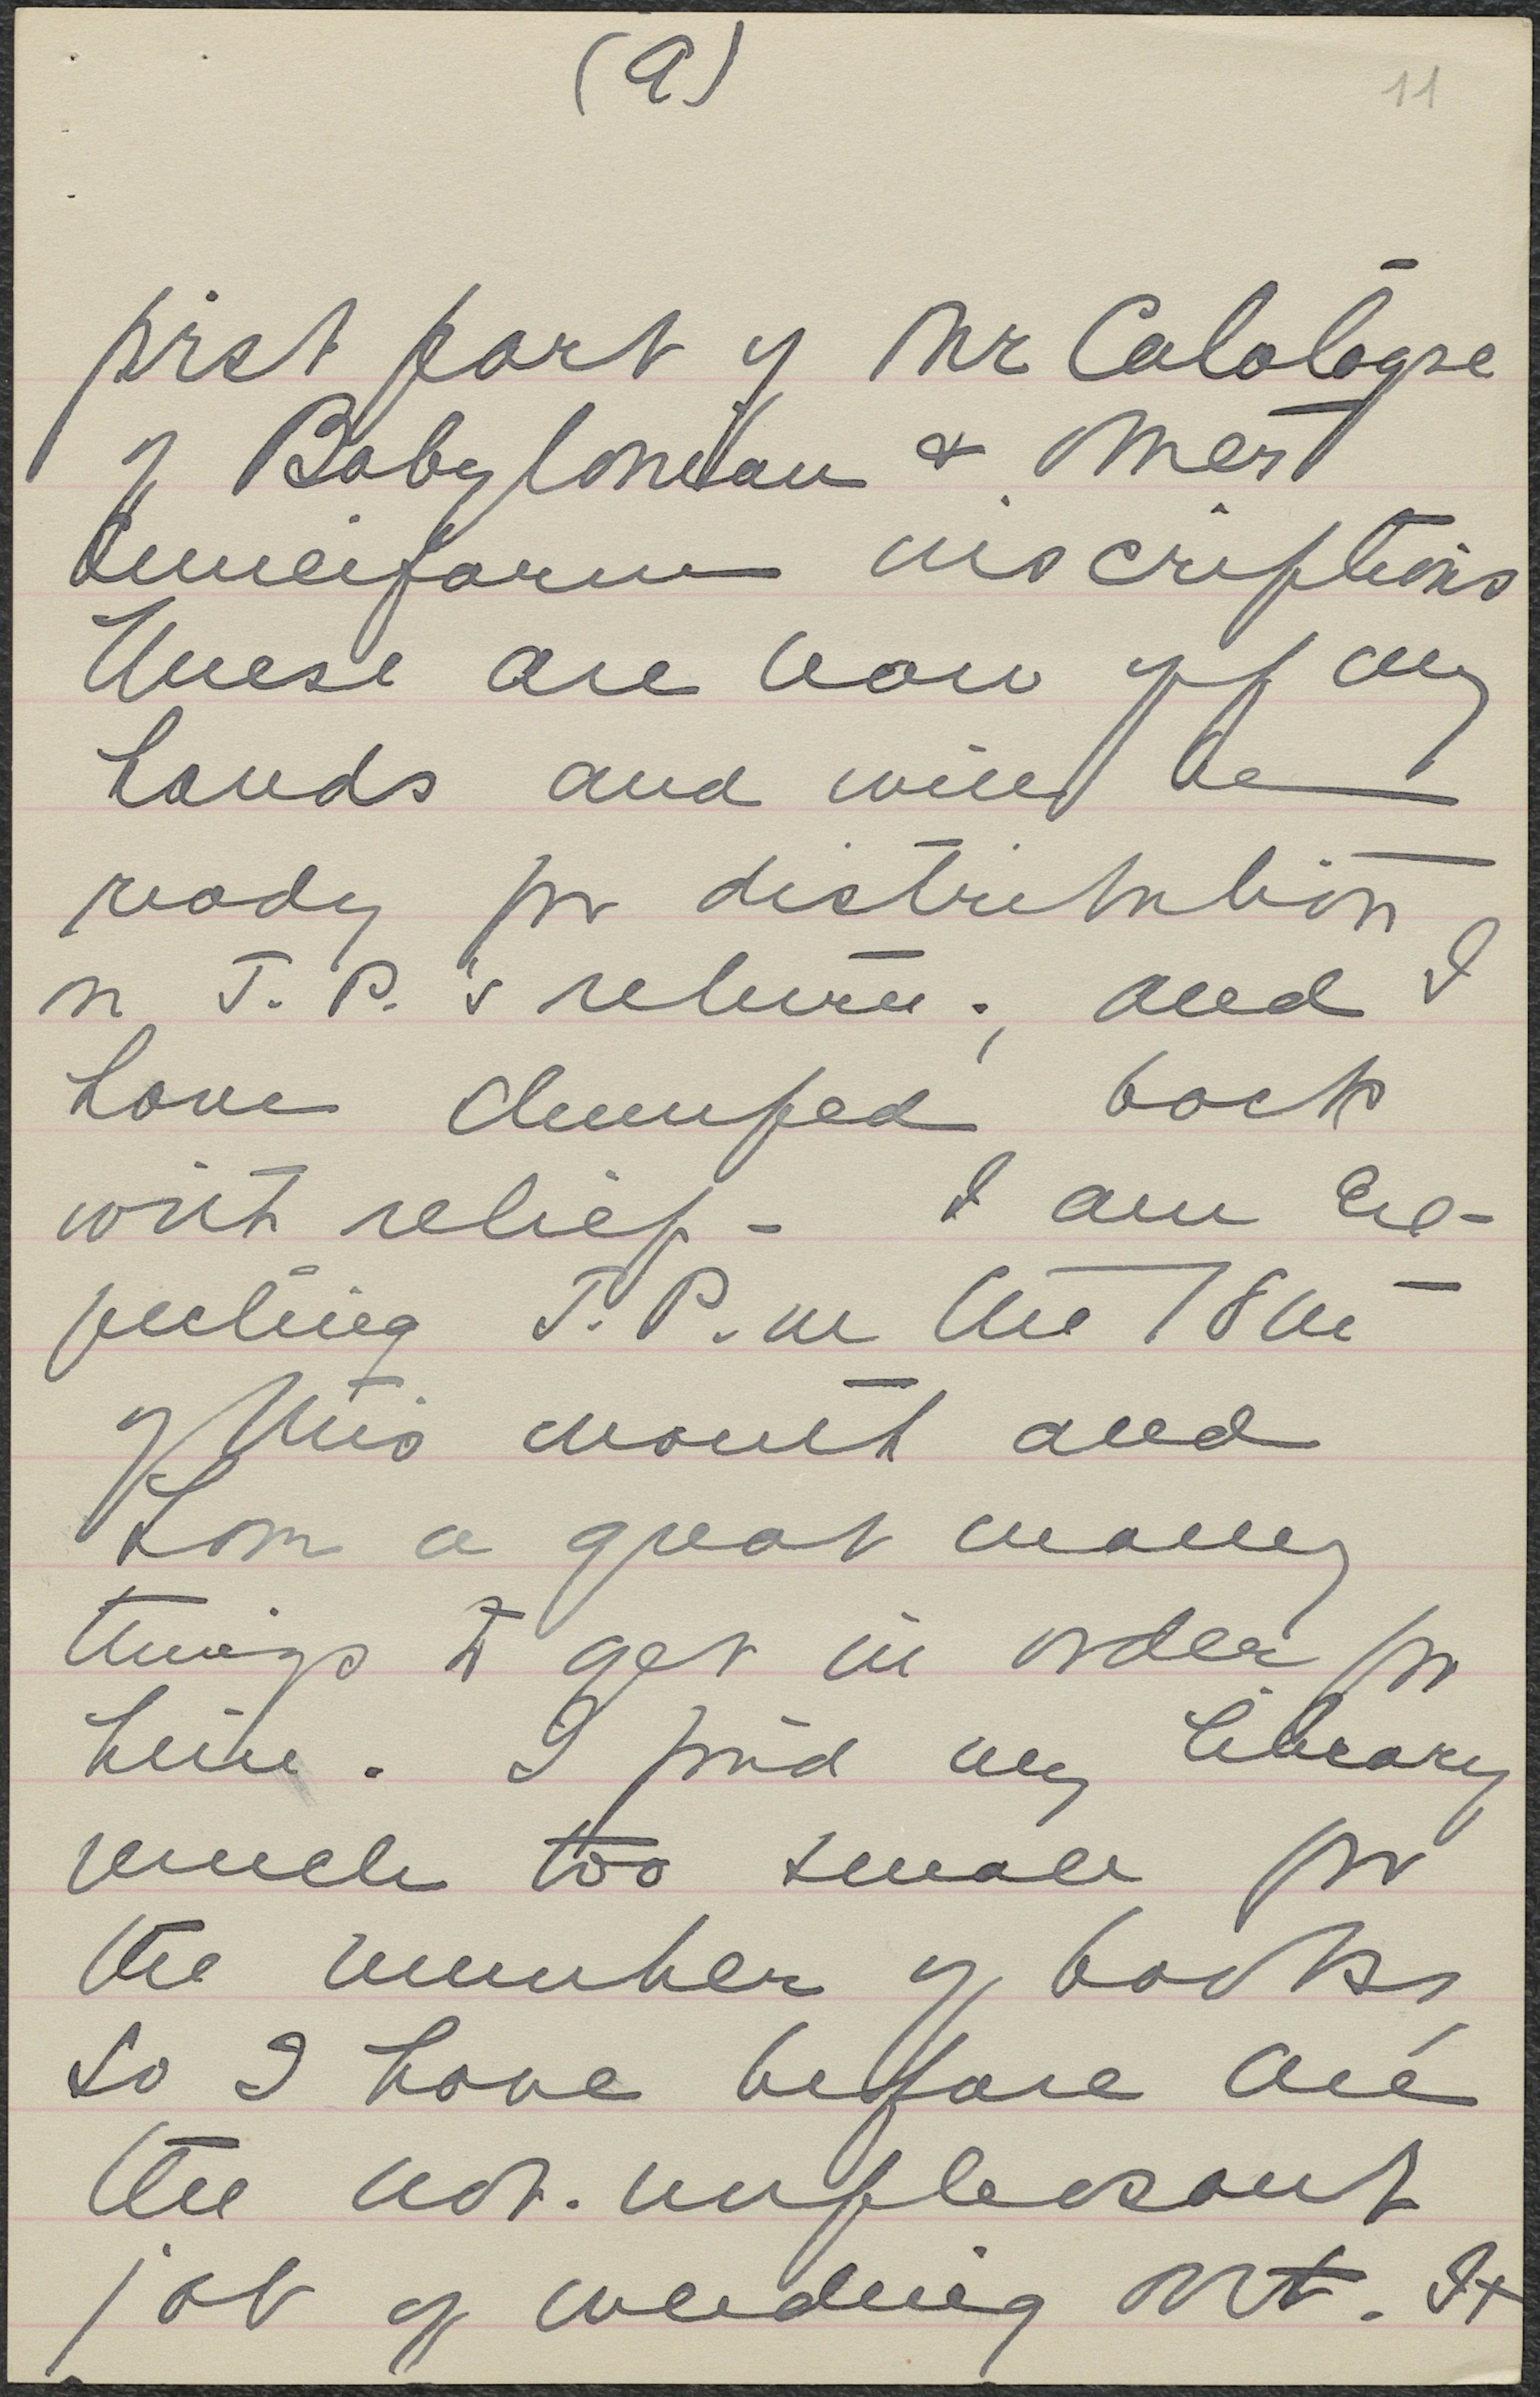(9)
first part of our Catalogue of Babylonian & other Cuneiform inscriptions
These are now off my hands and will be ready for distribution on J. P.’s return; and I have clumped back with relief – I am expecting J. P. on the 18th of this month and have a great many things to get in order for him. I find my library much too small for the number of books, so I have before me the not-unpleasant job of weeding out. It